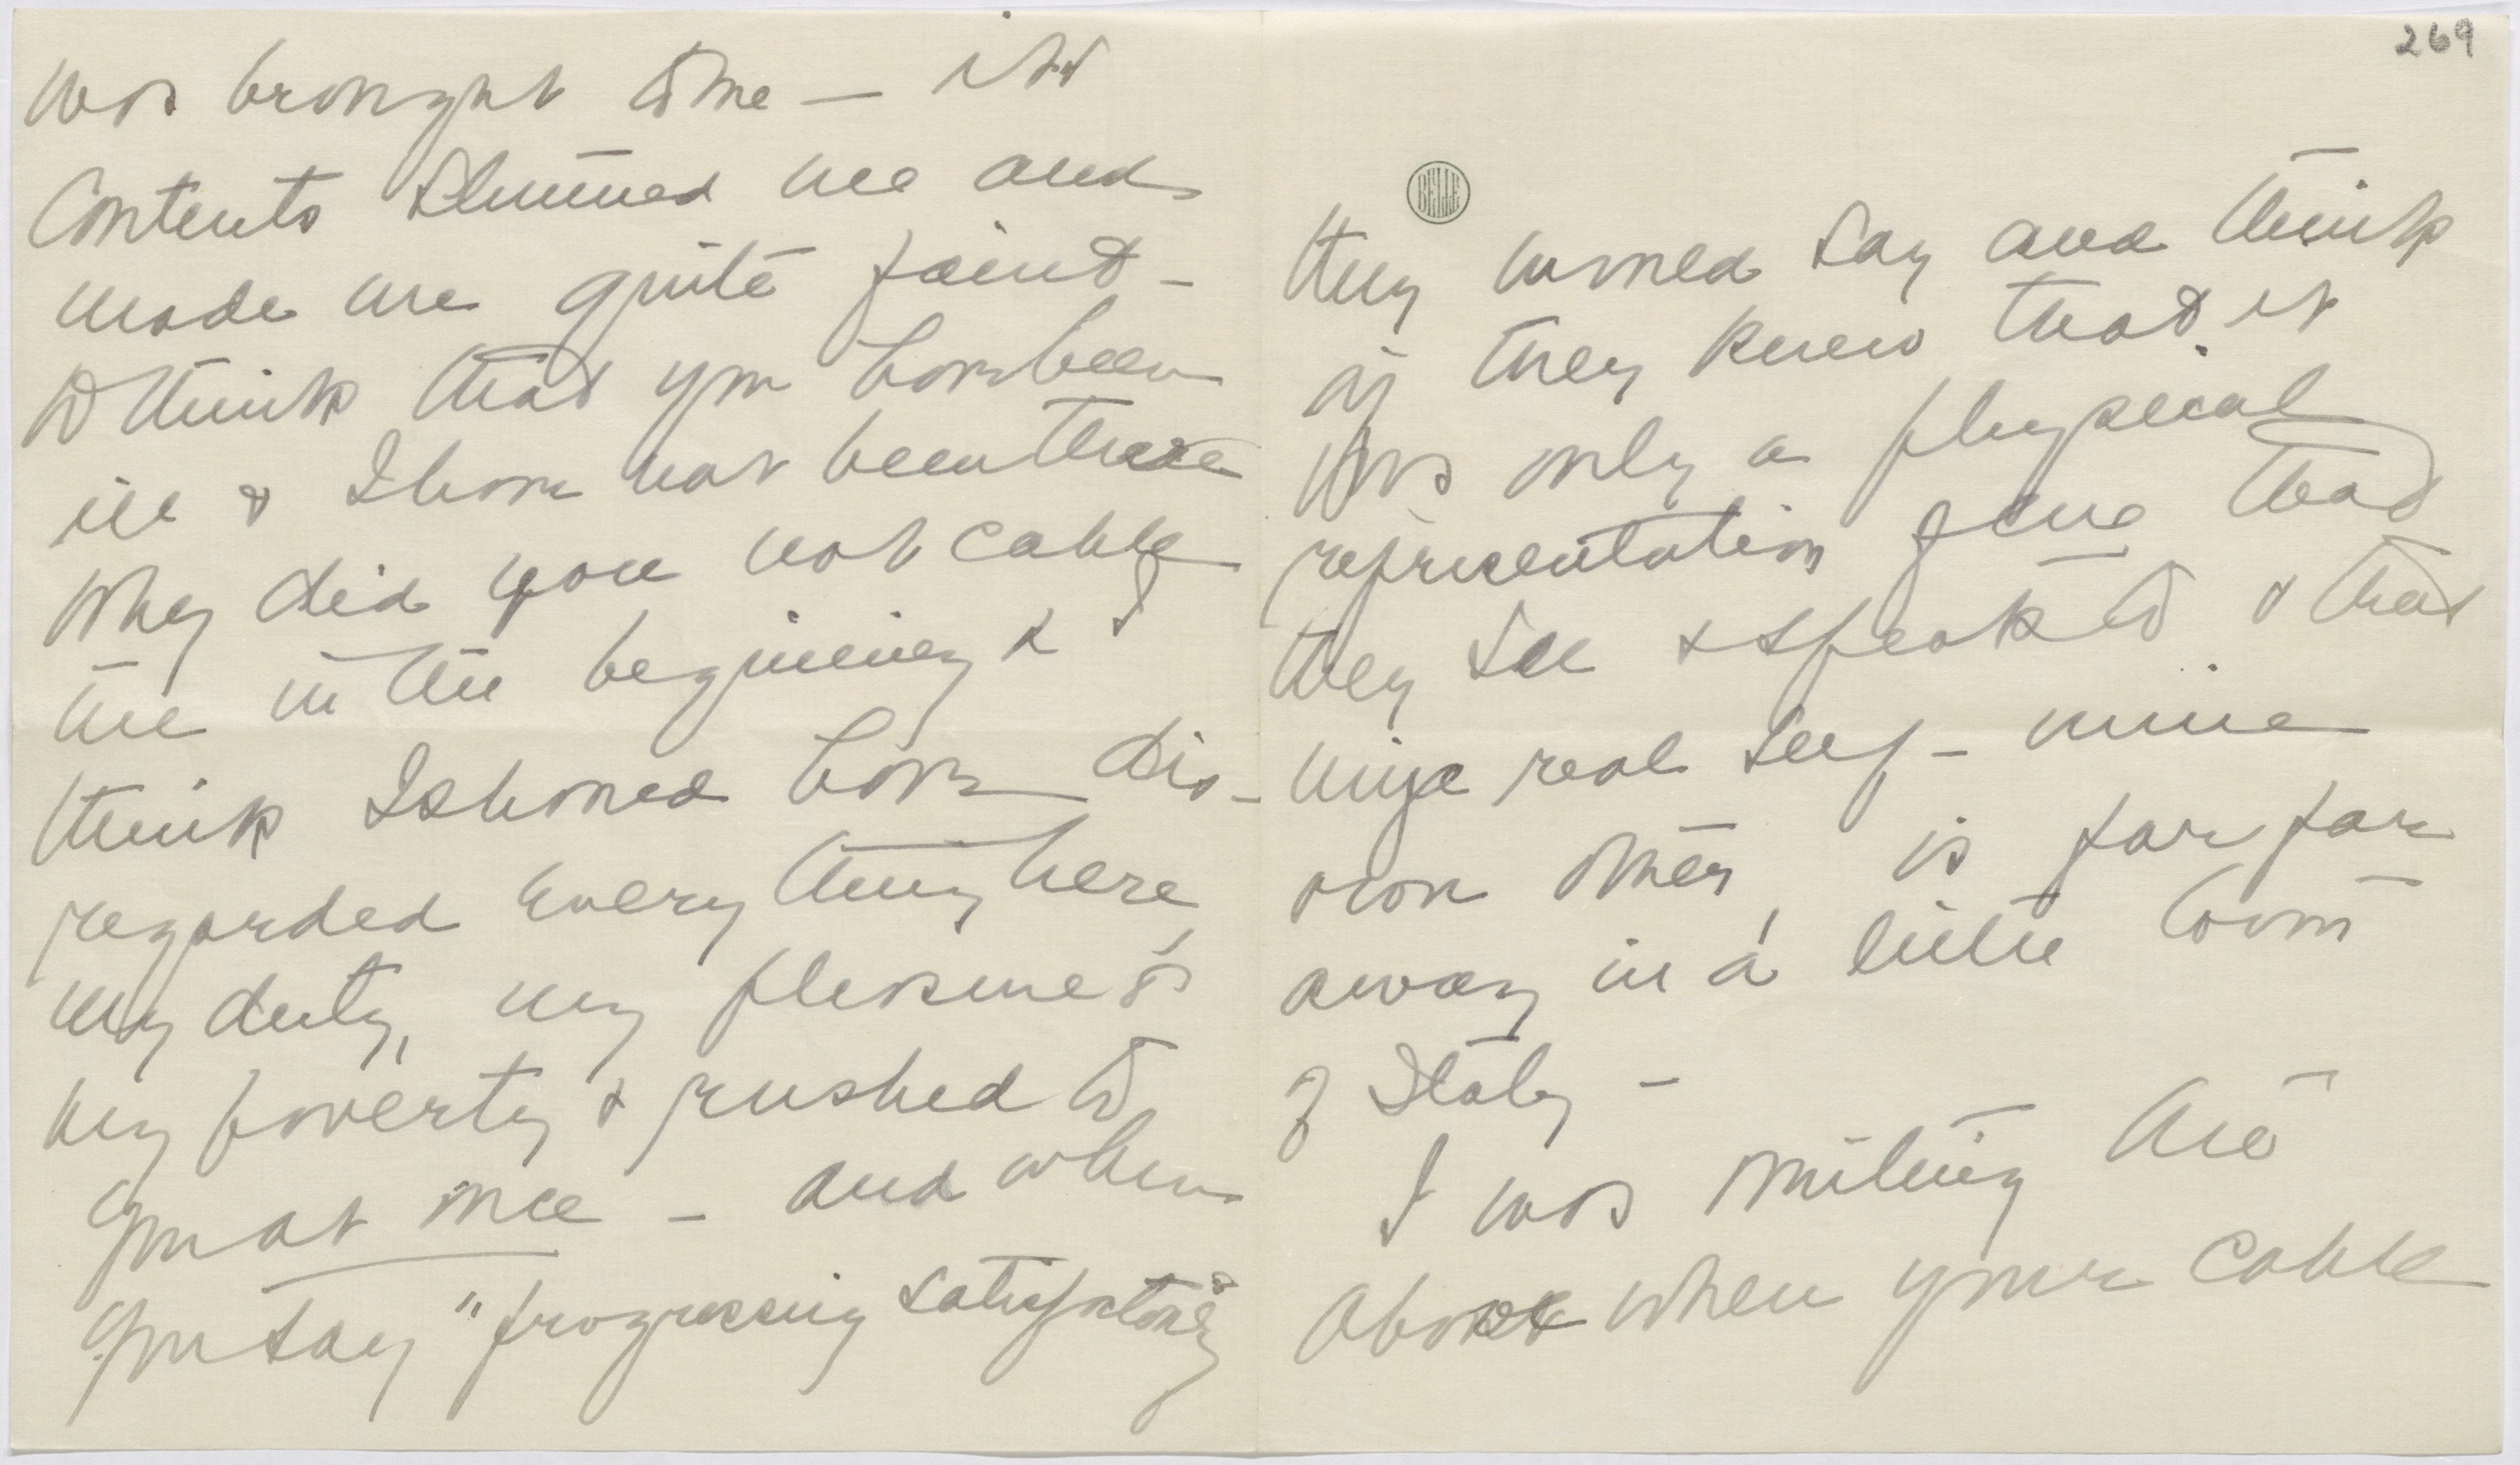they would say and think if they knew that it was only a physical representation of me that they see and speak to & that my real self – mine own other, is far far [sic] away in a little town of Italy –
I was writing the above when your cable
was brought to me – its contents stunned me and made me quite faint – to think that you have been ill & I have not been there
Why did you not cable me in the beginning & I think I should have disregarded every thing here, my duty, my pleasure & my poverty & rushed to you at once – and when you say “progressing satisfactorily”